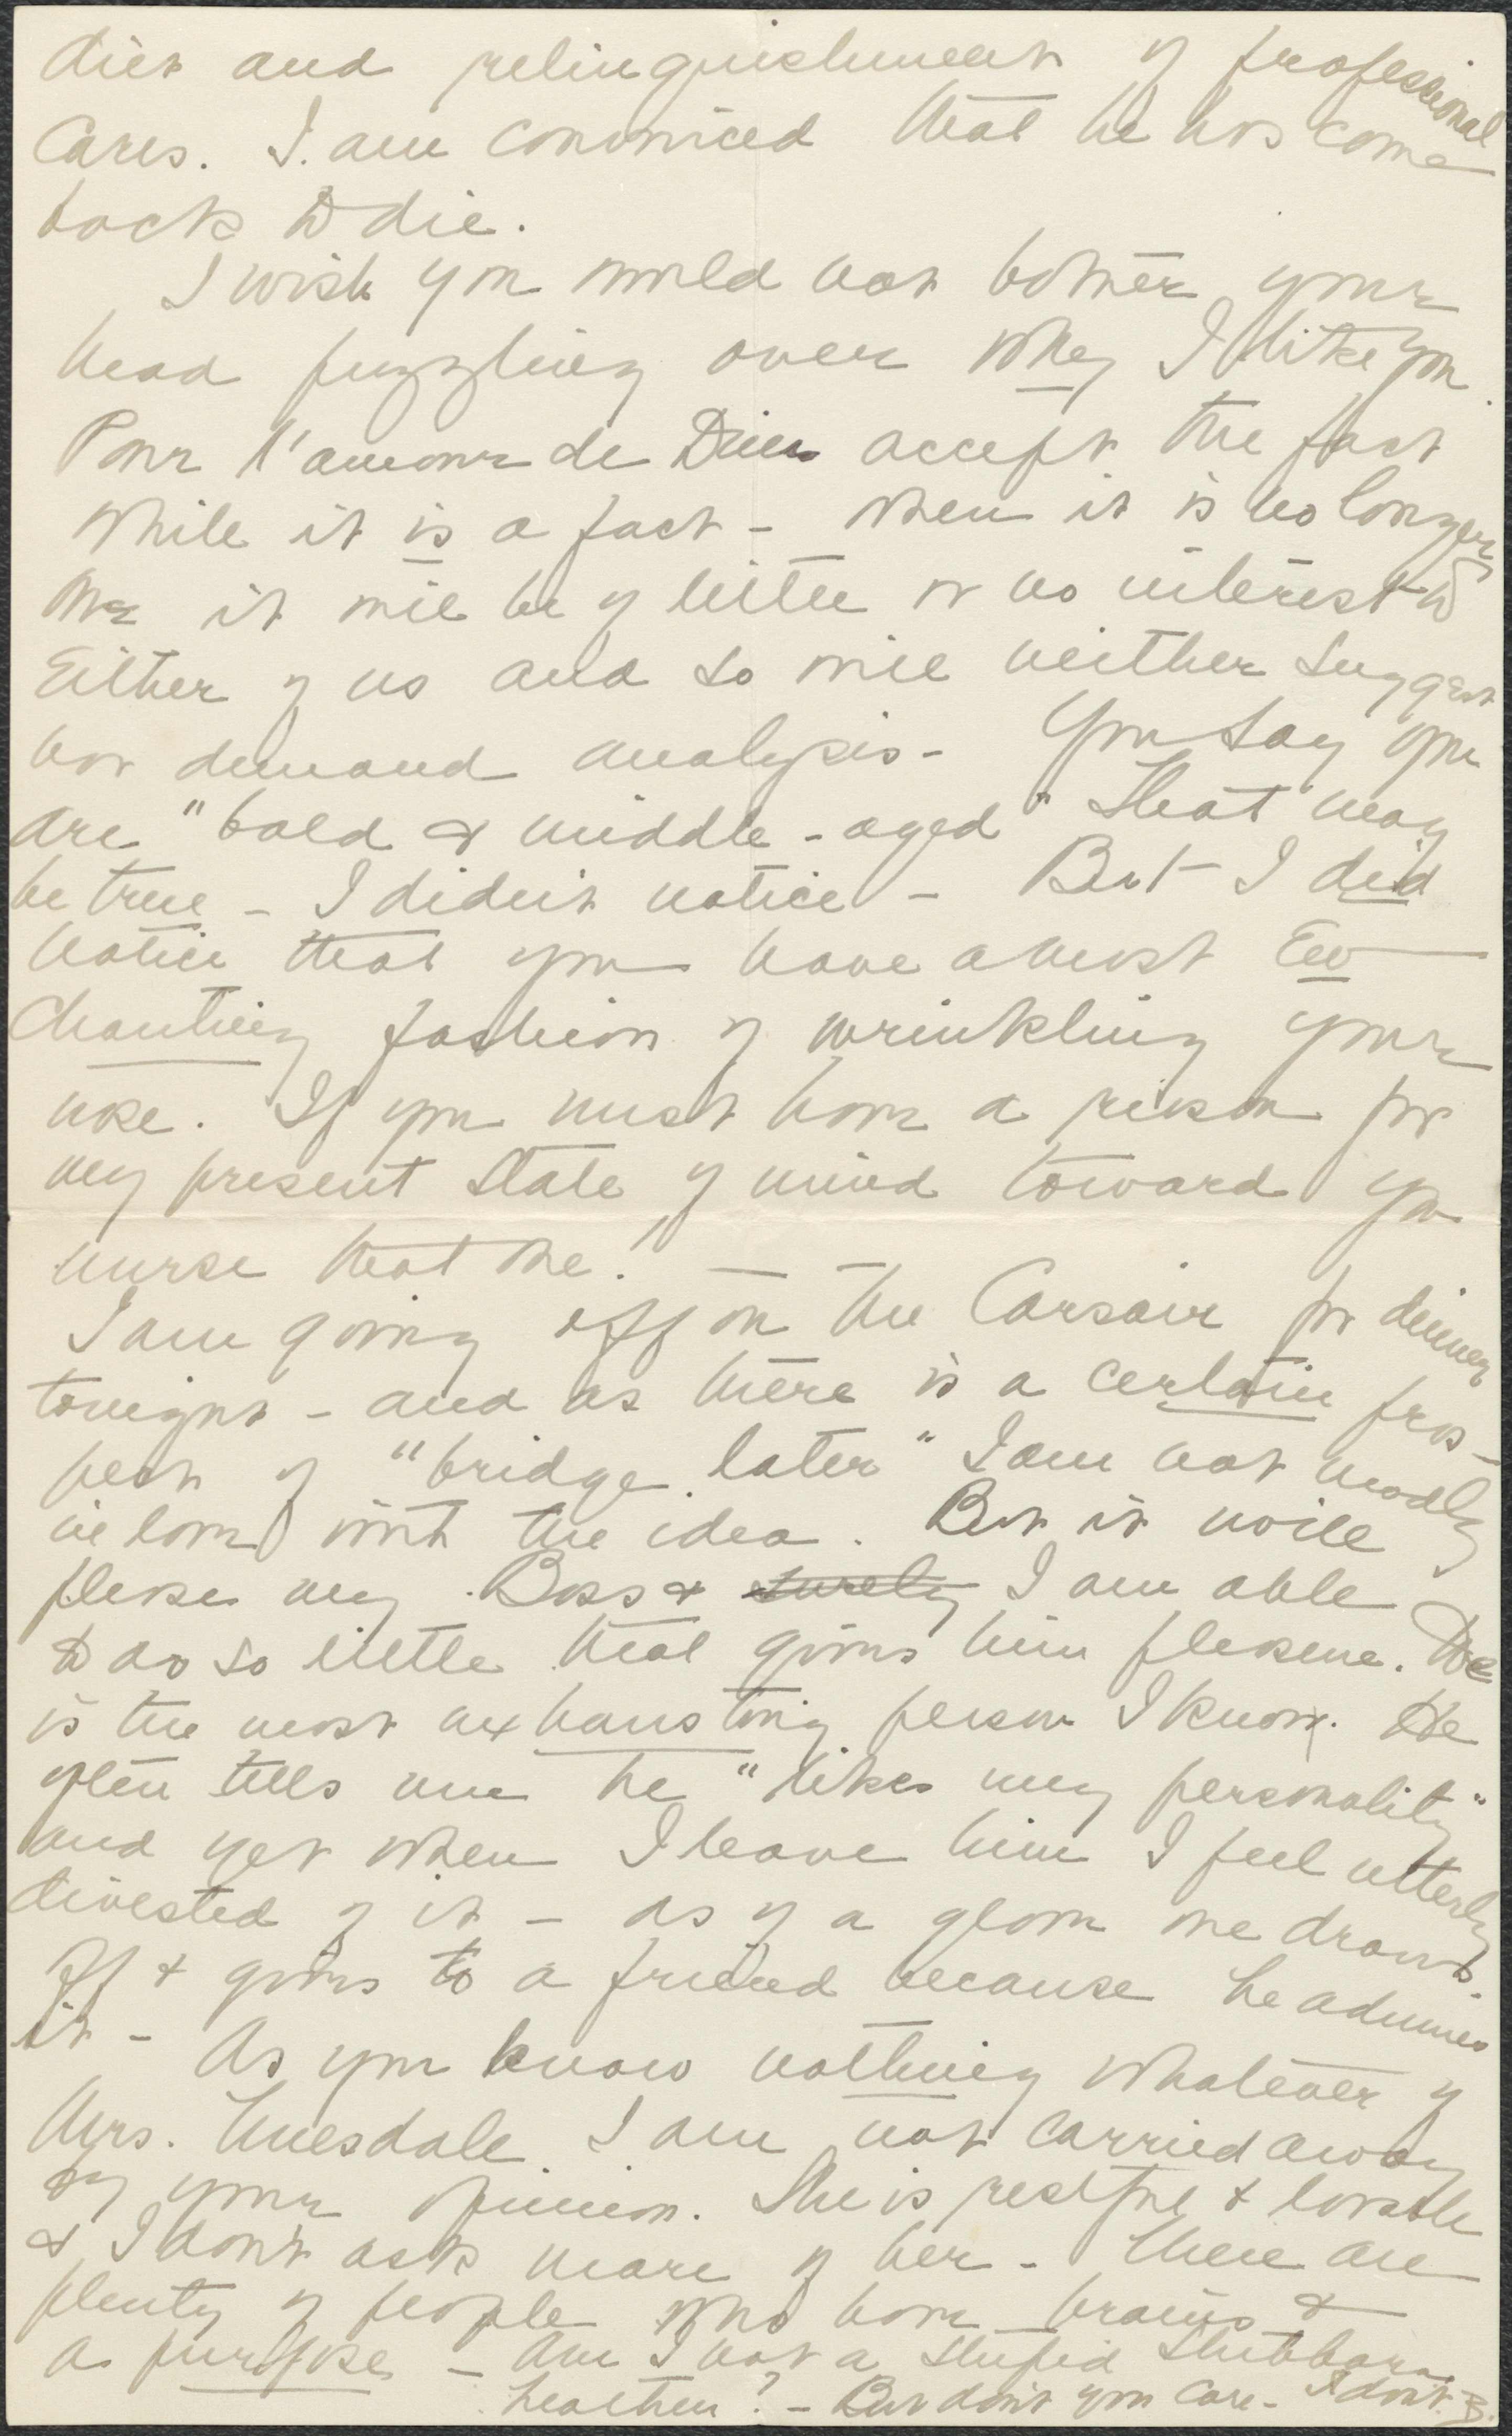diet and relinquishment of professional cares. I am convinced that he has come back to die.
I wish you would not bother your head puzzling over why I like you. Pour l’amour de Dieu accept the fact while it is a fact – when it is no longer one it will be of little or no interest to either of us and so will neither suggest nor demand analysis – You say you are “bald & middle-aged” That may be true – I didn’t notice – But I did notice that you have a most enchanting fashion of wrinkling your nose. If you must have a reason for my present state of mind toward you nurse that one! –
I am going off on the Corsair for dinner tonight – and as there is a certain prospect of “bridge later” I am not madly in love with the idea. But it will please my Boss & surely I am able to do so little that gives him pleasure. He is the most exhausting person I know. He often tell me he “likes my personality” and yet when I leave him I feel utterly divested of it – as of a glove one draws off & gives to a friend because he admires it – As you know nothing whatever of Mrs. Truesdale I am not carried away by your opinion. She is restful & lovable & I don’t ask more of her – There are plenty of people who have brains & a purpose – Am I not a stupid stubborn heathen? – But don’t you care – I don’t. B.